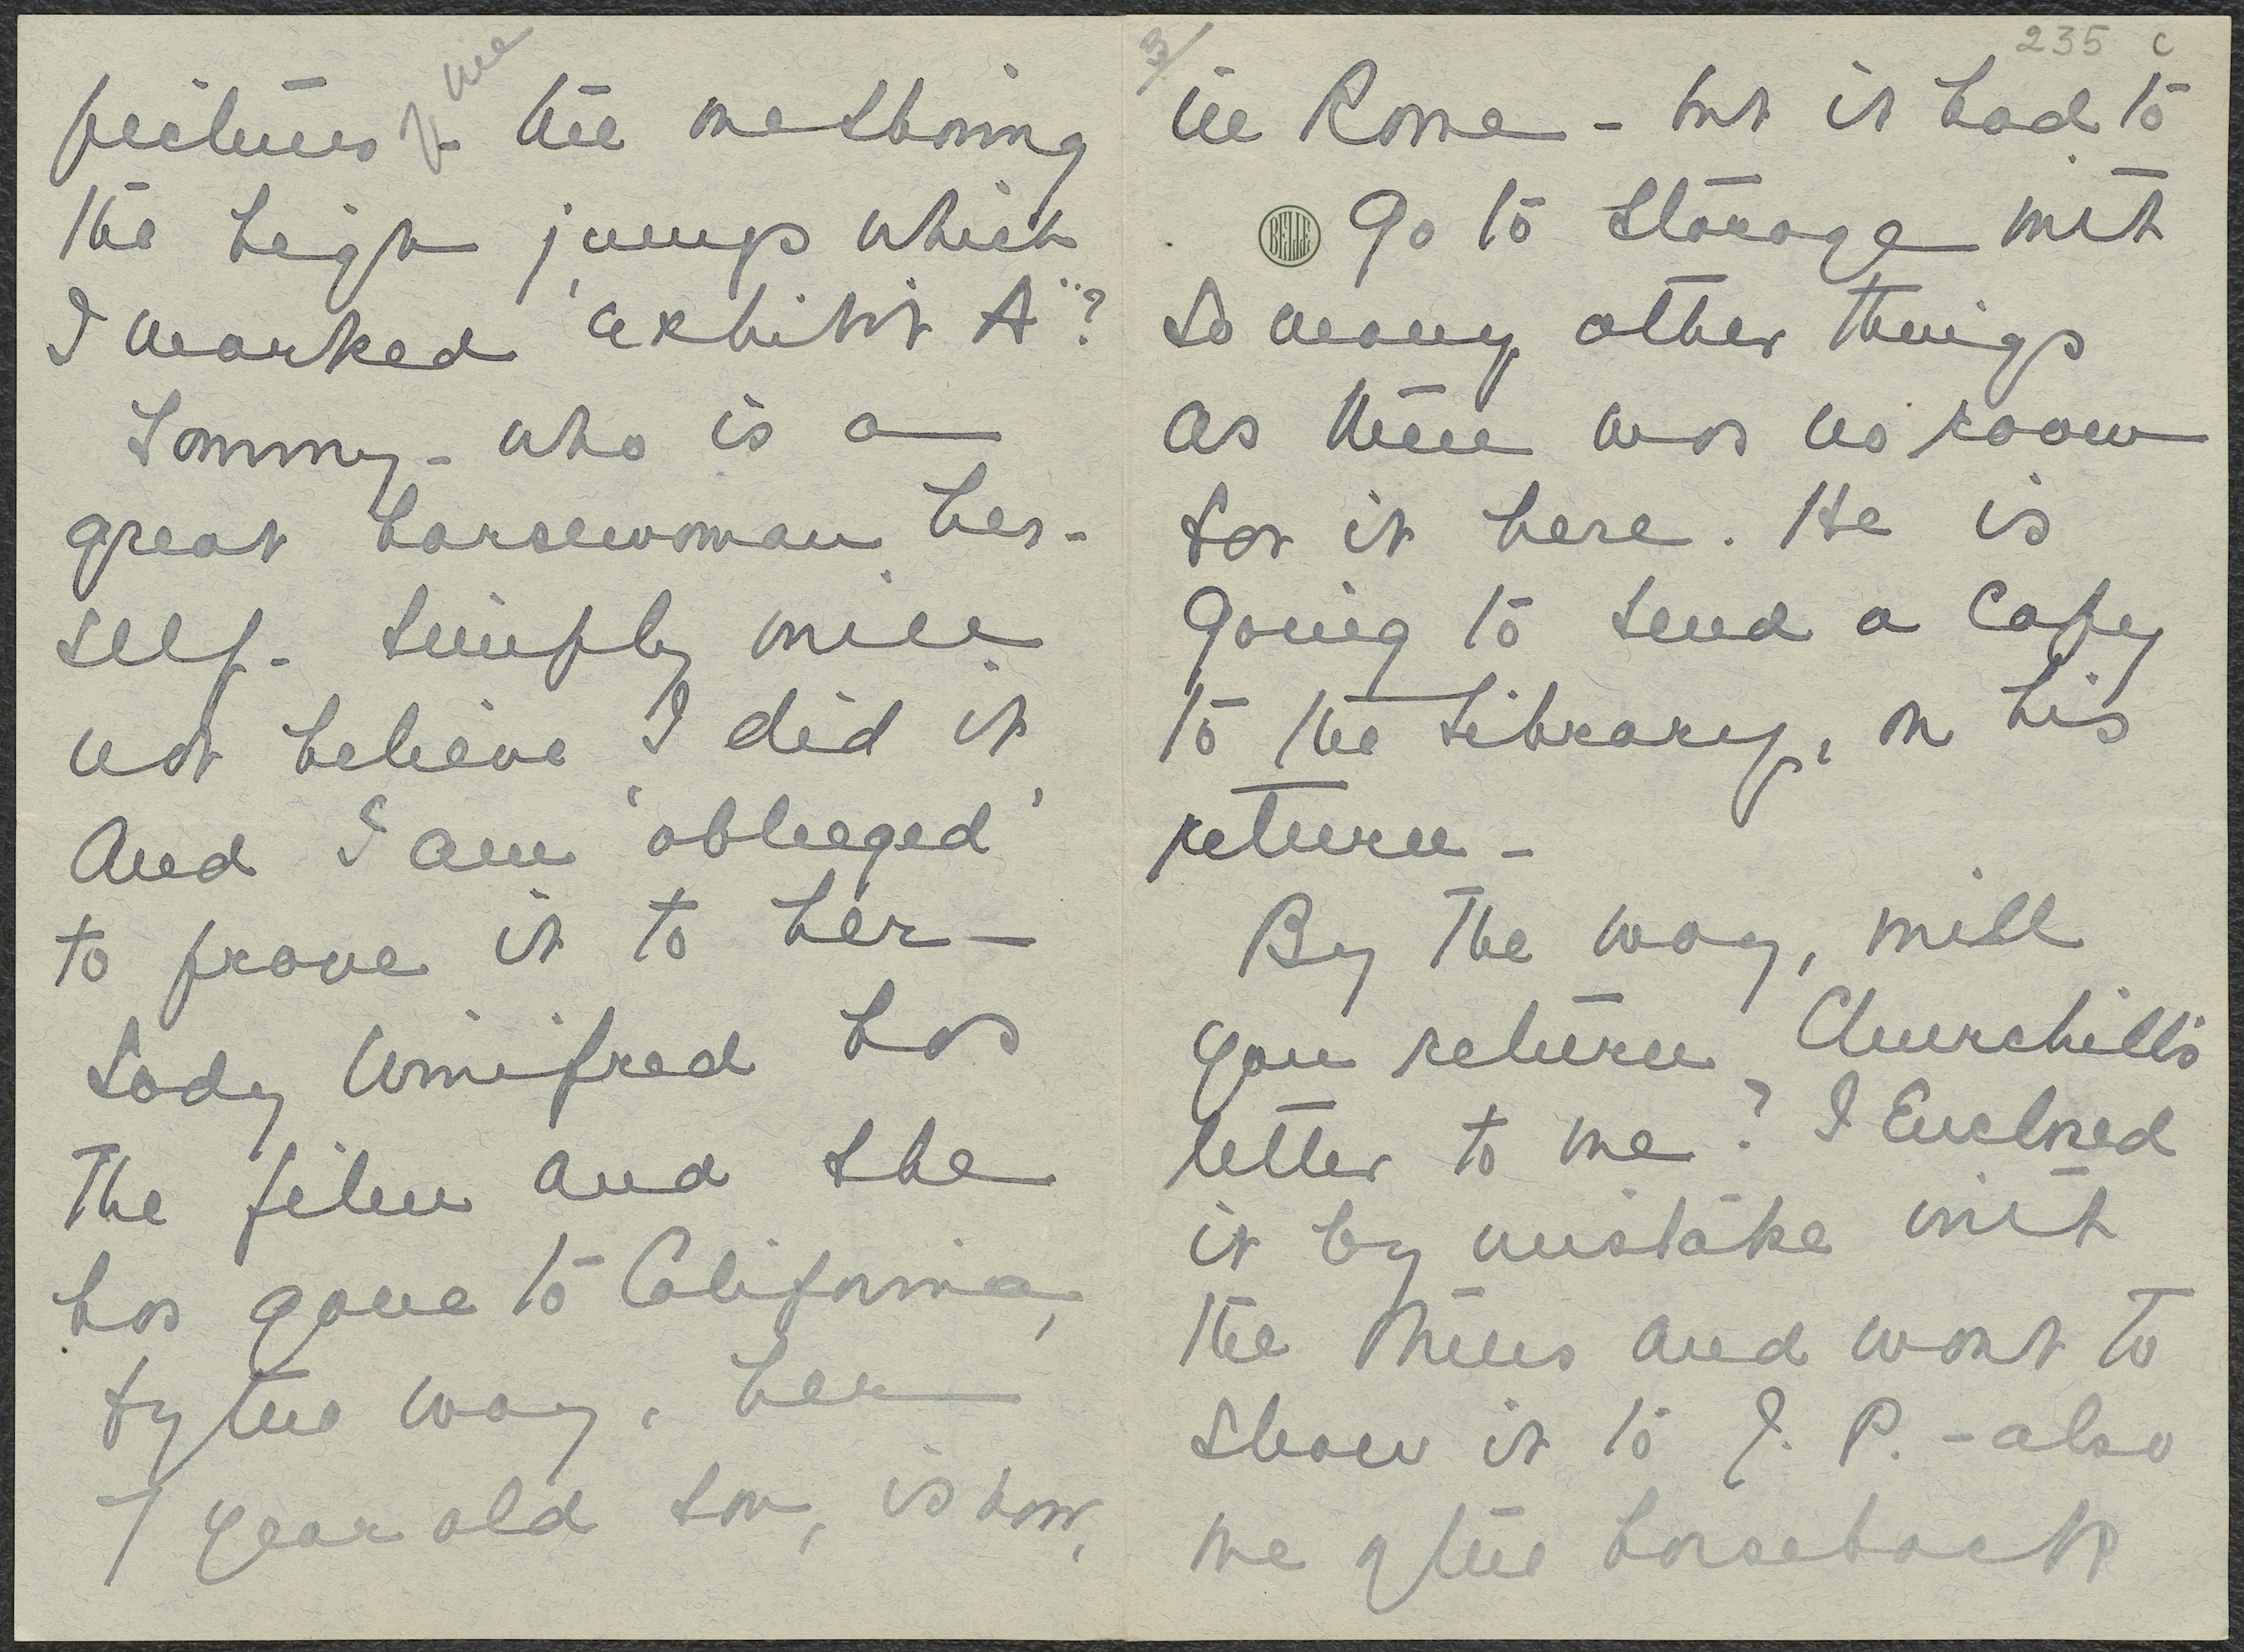3/
in Rome – but it had to go to storage with so many other things as there was no room for it here. He is going to send a copy to the Library, on his return –
By the way, will you return Churchill’s letter to me? I enclosed it by mistake with the others and want to show it to J. P. – also one of the horseback
pictures [^of me^] – the one showing the high jumps which I marked “exhibit A”?
Tommy – who is a great horsewoman herself – simply will not believe I did it and I am ‘oblieged’ to prove it to her –
Lady Winifred has the film and she has gone to California by the way, her 7 year old son, is now,